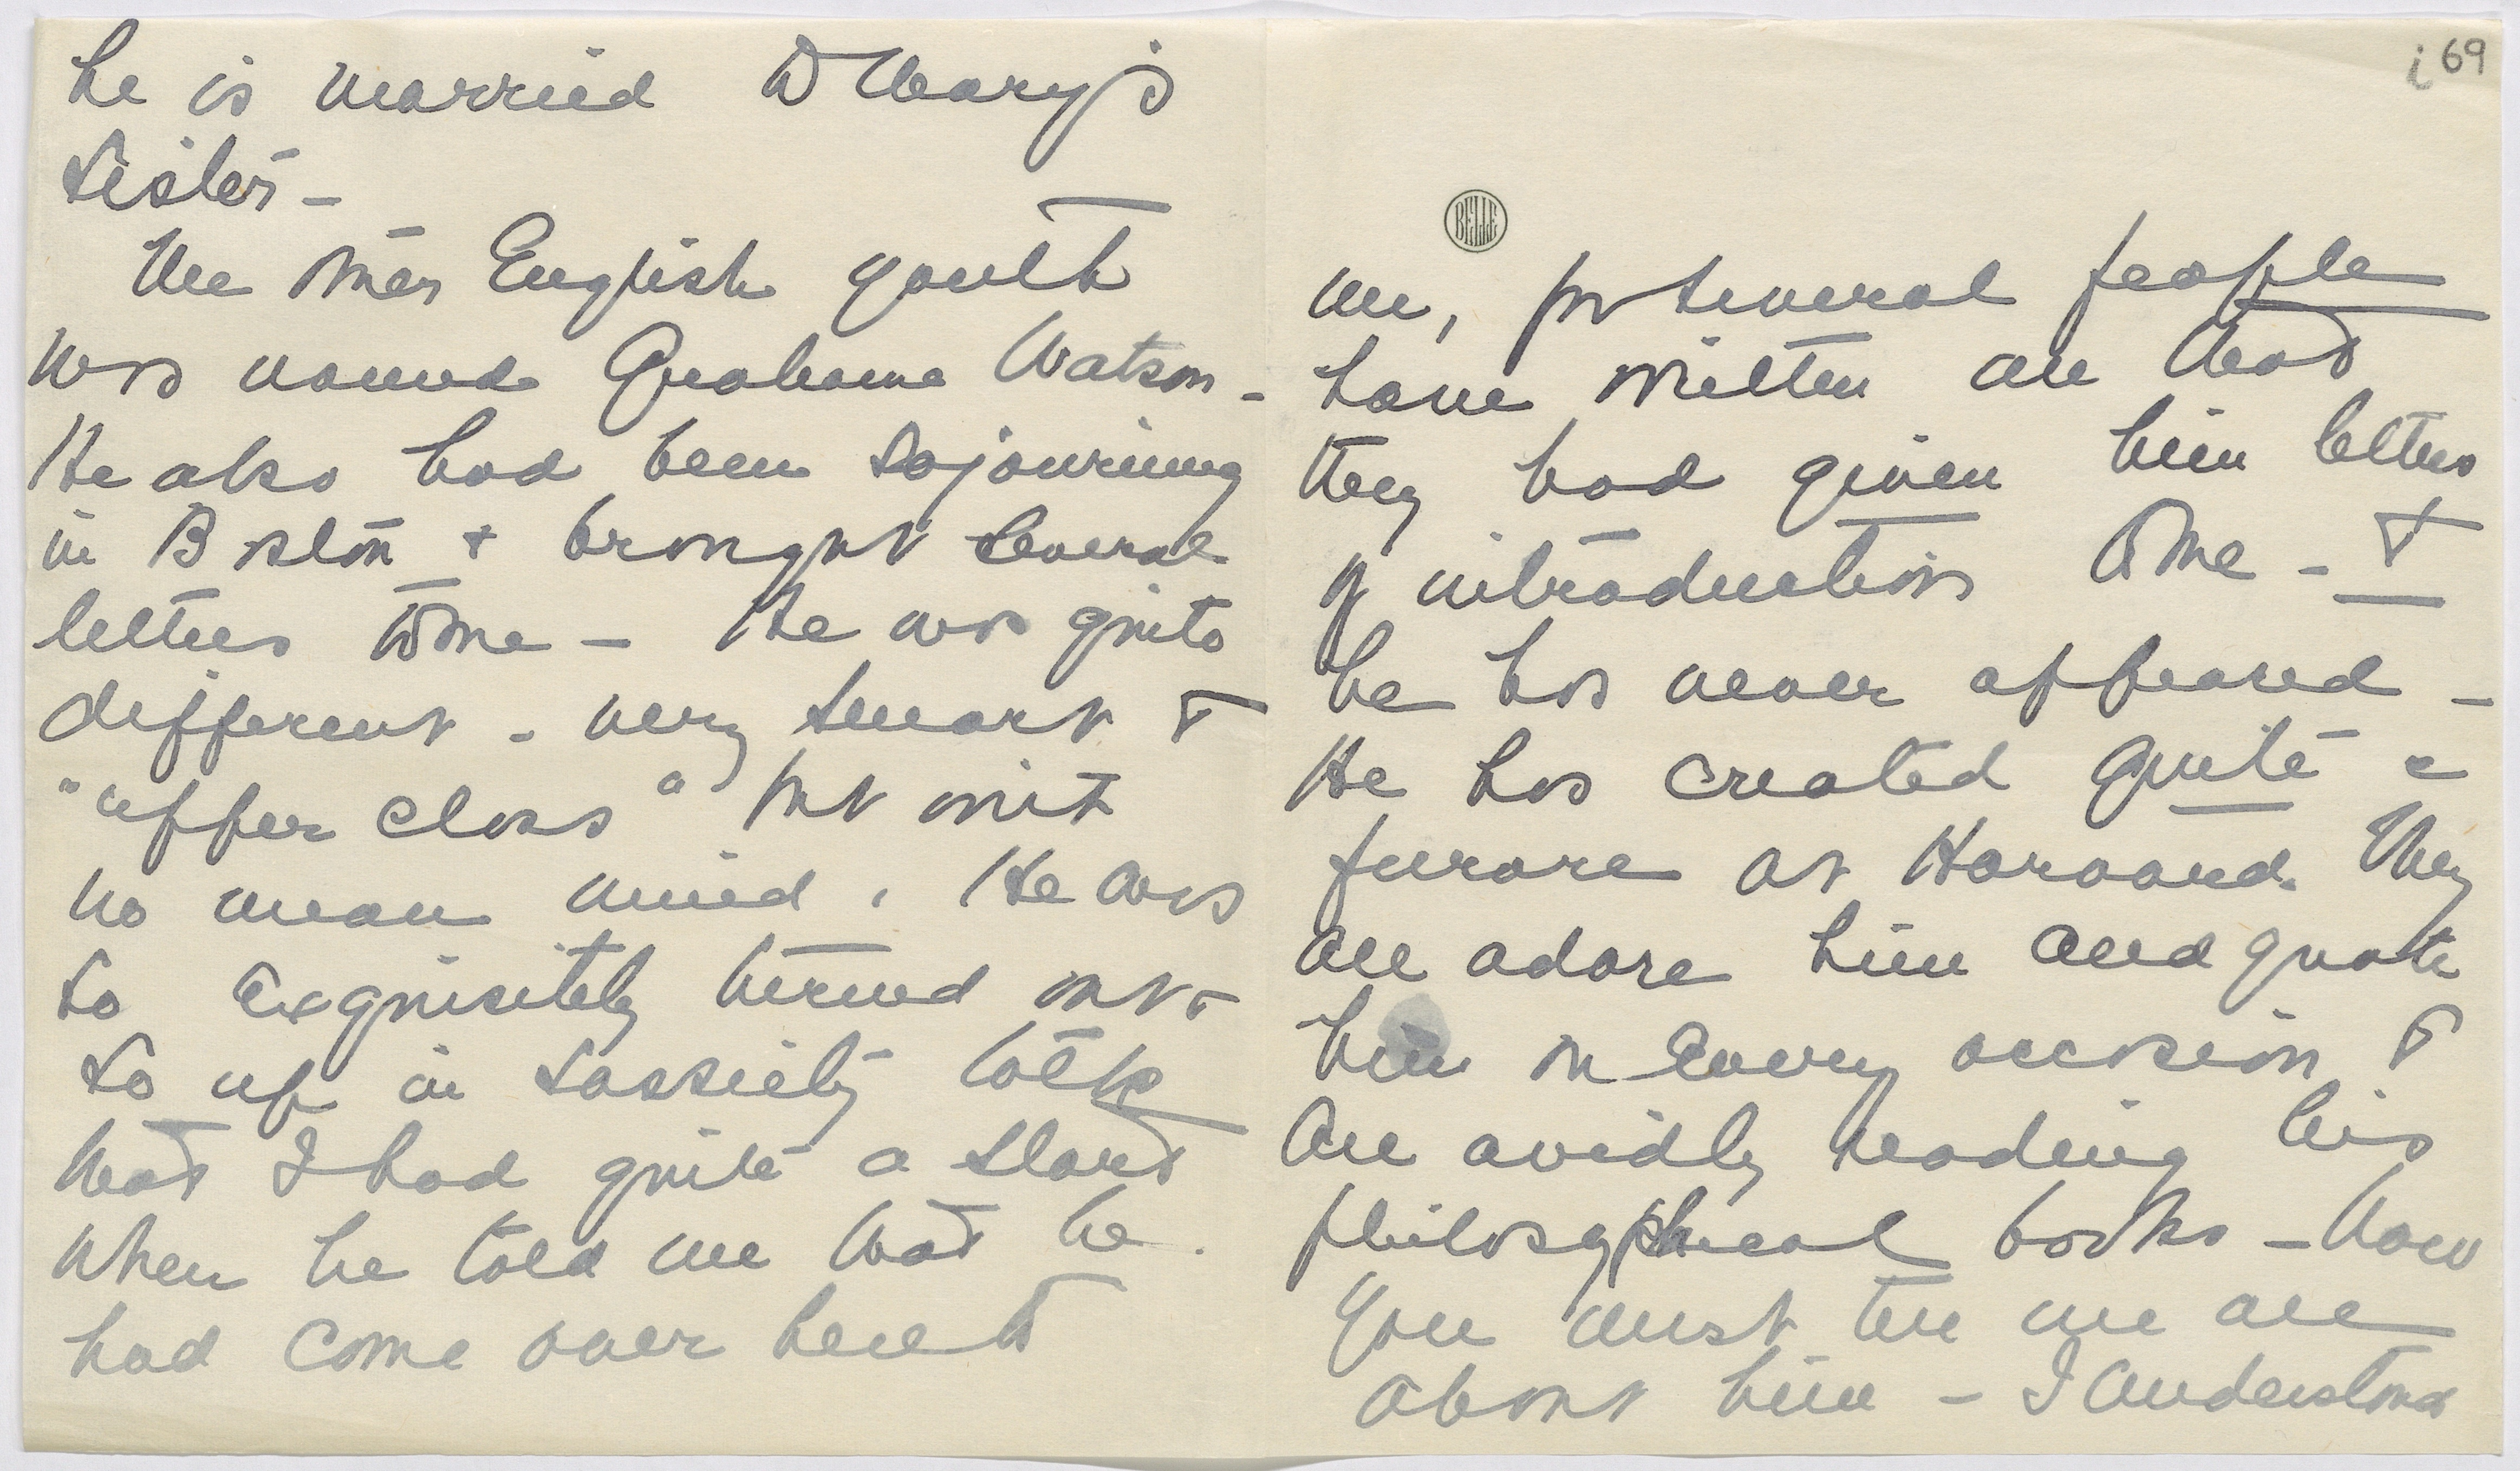me, for several people have written me that they had given him letters of introduction to me – & he has never appeared – He has created quite a furore at Harvard. They all adore him and quote him on every occasion & are avidly reading his philosophical books – Now you must tell me all about him – I understand
he is married to Mary’s sister –
The other English youth was named Graham Watson – He also had been sojourning in Boston & brought several letters to me – He was quite different – very smart & “upper class” but with no mean mind. He was so exquisitely turned out & so up in sassiety talk that I had quite a start when he told me that he had come over here to